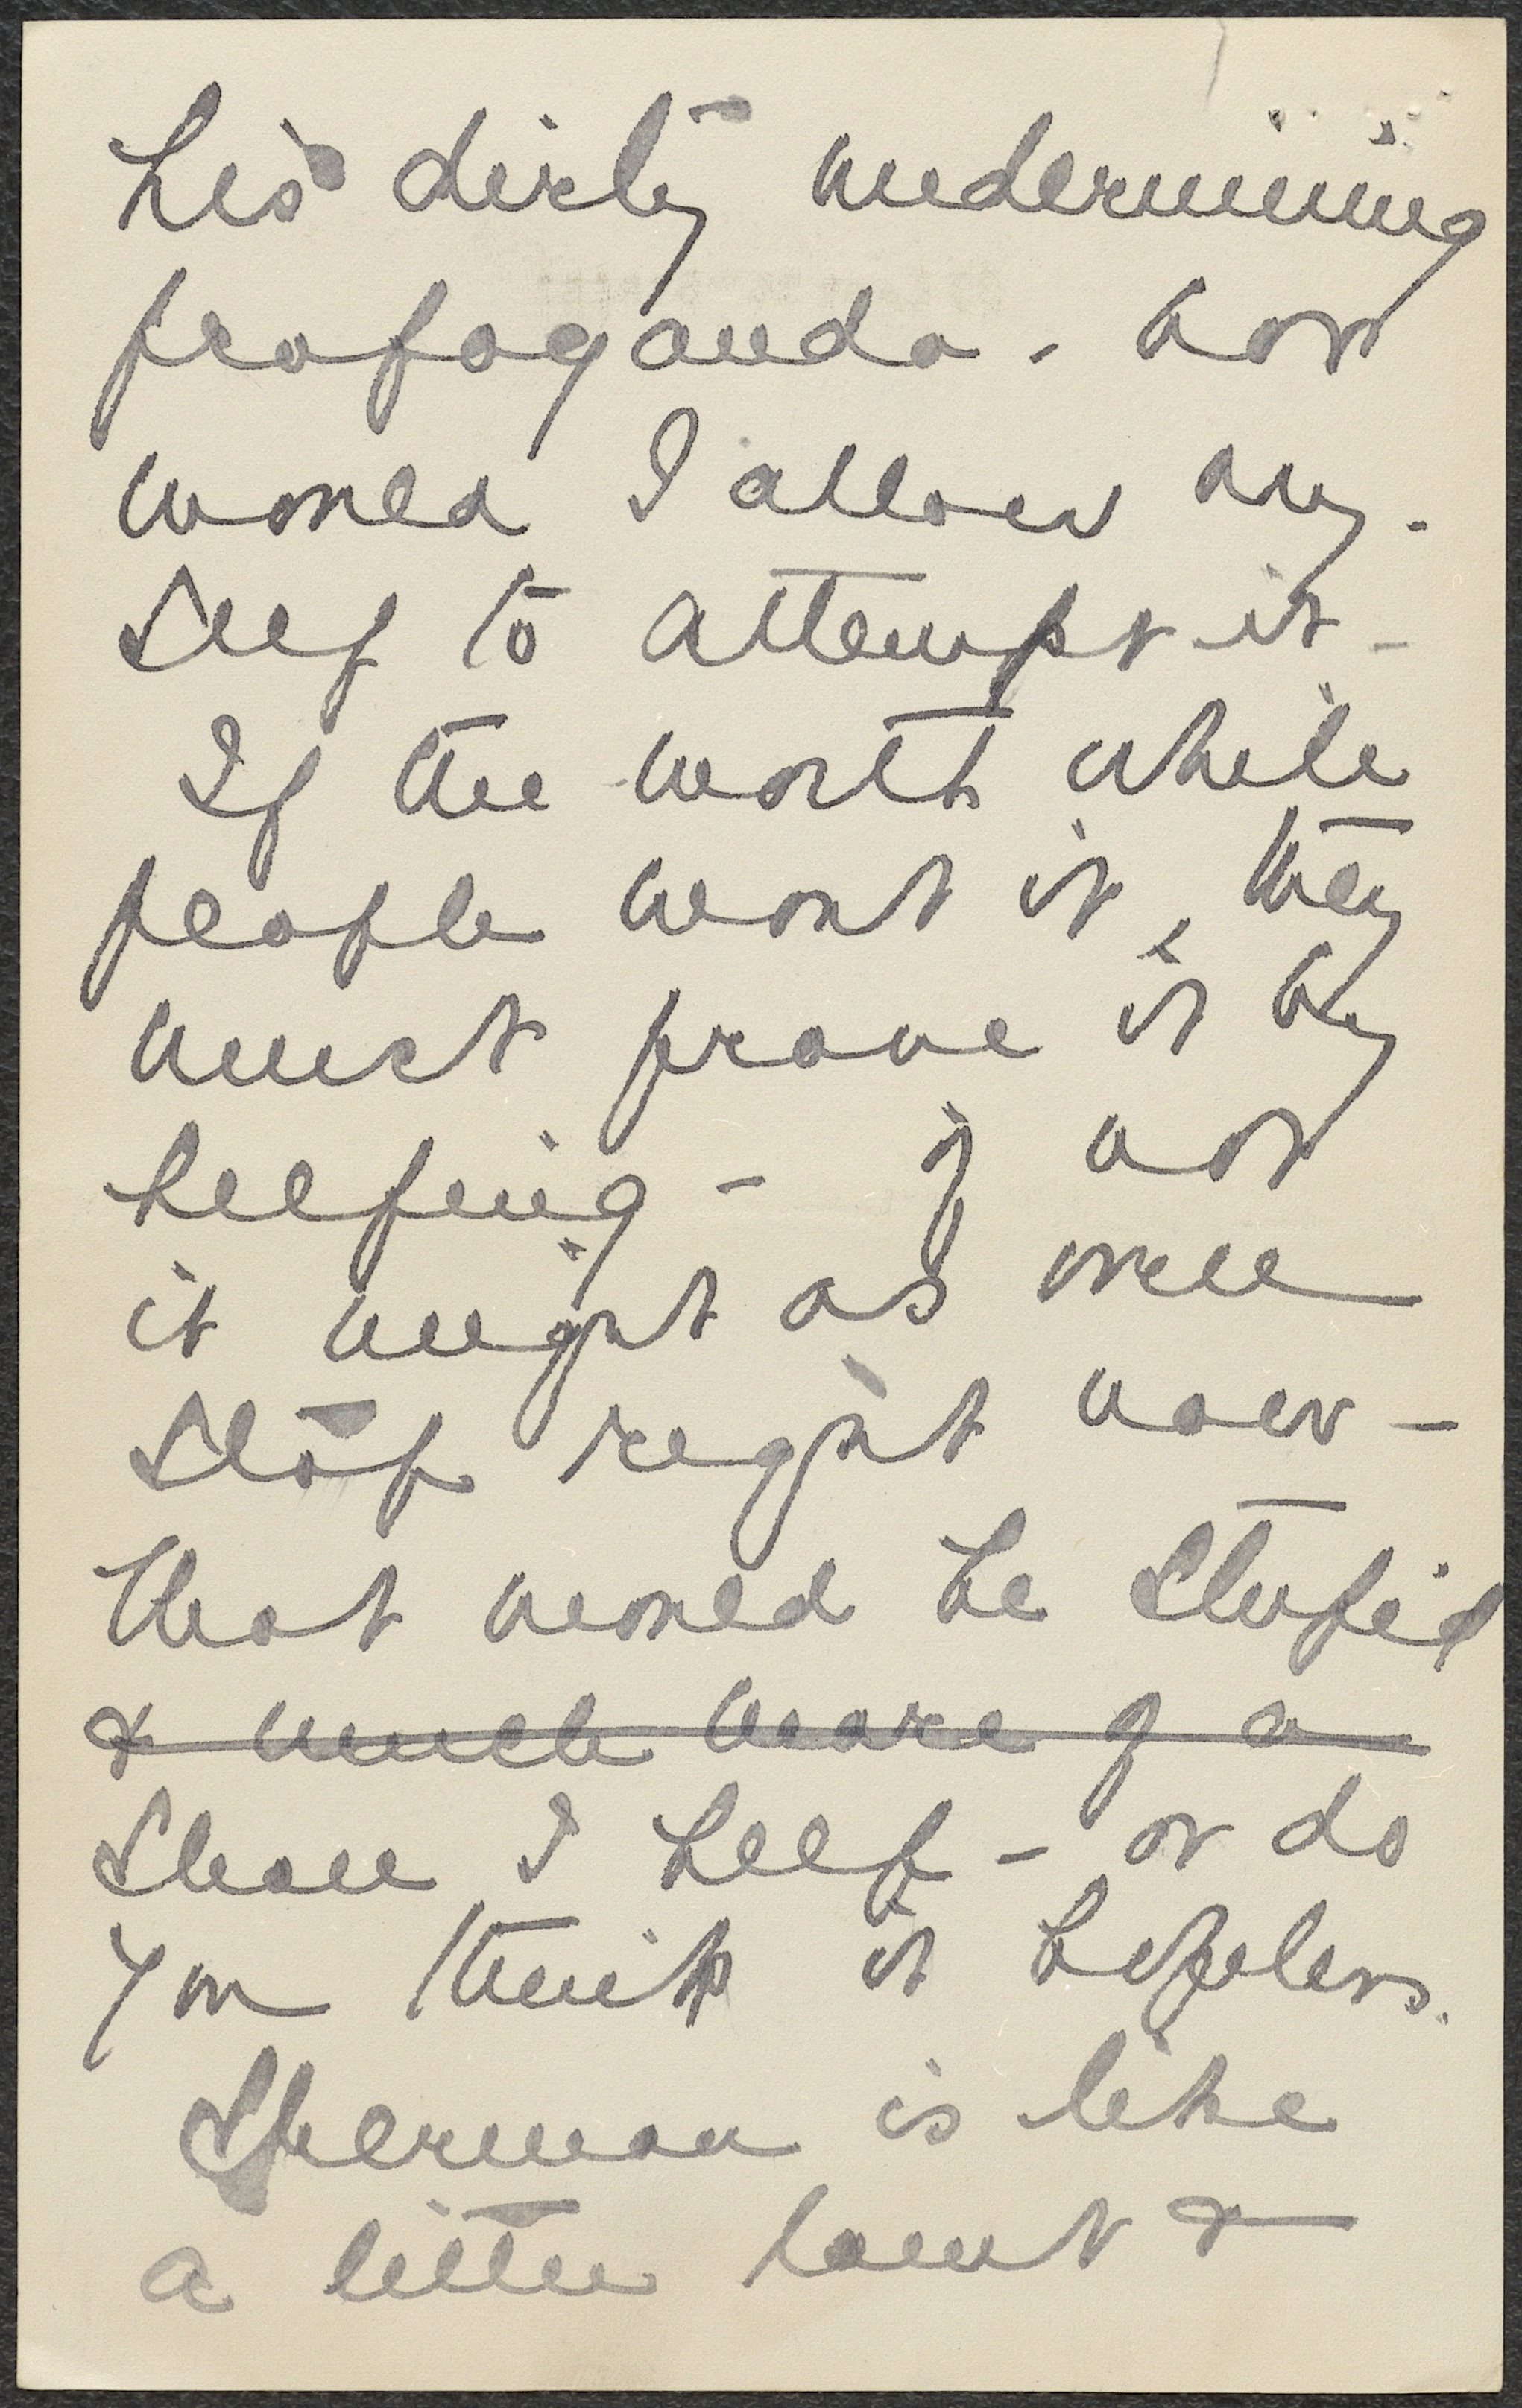his dirty undermining propaganda – nor would I allow myself to attempt it –
If the worth while people want it, they must prove it by helping – if not it might as well stop right now – That would be stupid & much more of a Shall I help – or do you think it hopeless.
Sherman is like a little lamb &